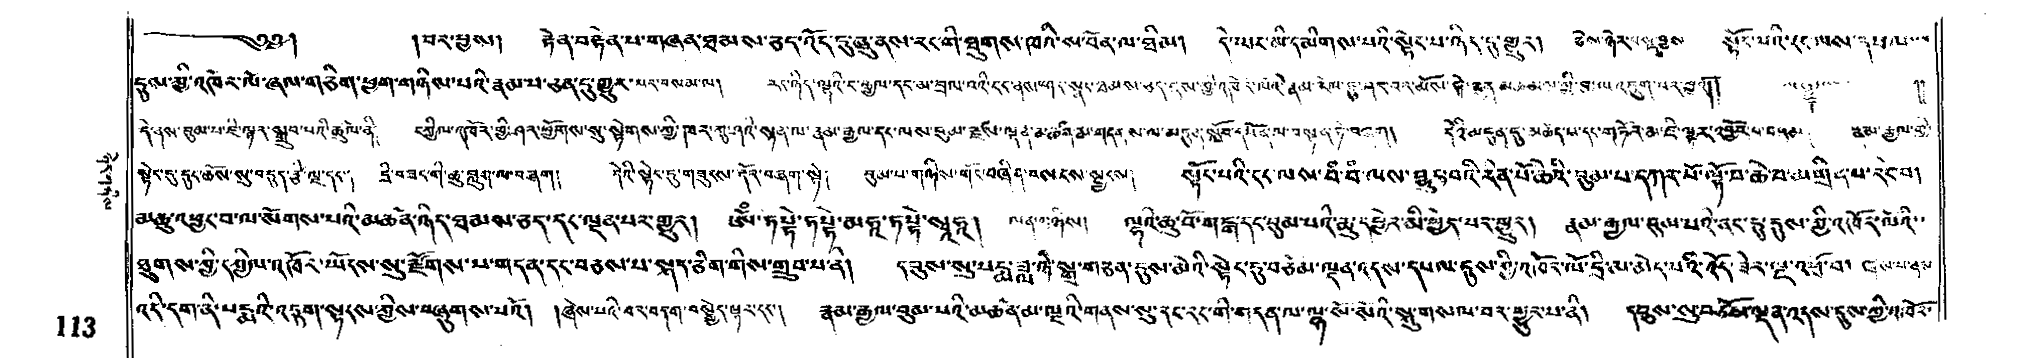༄༅། །བར་བྱས། རྟེན་བརྟེན་པ་གཞན་ཐམས་ཅད་འོད་དུ་ཞུ་ནས་རང་གི་ཐུགས་ཁའི་ས་བོན་ལ་ཐིམ། དེ་ཡང་མི་དམིགས་པའི་སྟོང་པ་ཉིད་དུ་གྱུར། ཅེས་ཉེར་བསྡུ་བྱས་སྟོང་པའི་རང་ལས་དཔལ་
དུས་ཀྱི་འཁོར་ལོ་ཞལ་གཅིག་ཕྱག་གཉིས་པའི་རྣམ་པ་ཅན་དུ་གྱུར་པར་བསམ་ལ། རང་ཉིད་ལྷའི་ང་རྒྱལ་དང་མ་བྲལ་བའི་ངང་ནས་གང་སྣང་ཐམས་ཅད་དུས་ཀྱི་འཁོར་ལོའི་རྣམ་རོལ་ཏུ་ཤད་བར་མོས་ཏེ་ཐུན་མཚམས་ཀྱི་བྱ་ལ་འཇུག་པར་བྱའོ།། ༈ །།
དེ་ནས་བུམ་པ་ཇི་ལྟར་སྒྲུབ་པའི་ཚུལ་ནི། དཀྱིལ་འཁོར་གྱི་ཤར་ཕྱོགས་སུ་སྟེགས་ཀྱི་ཁར་ཀུ་ཤའི་སྟན་ལ་རྣམ་རྒྱལ་དང་ལས་བུམ་རྫས་ལྡན་མཚན་མ་གདགས་ལ་མདུན་སློབ་དཔོན་ལ་བསྟན་ཏེ་བཞག། དེའི་མདུན་དུ་མཆོད་པ་དང་གཏོར་མ་ཇི་ལྟར་འབྱོར་པ་བཤམ། རྣམ་རྒྱལ་གྱི་
སྟེང་དུ་དུང་ཆོས་སུ་བདུད་རྩི་ལྔ་དང་། དྲི་བཟང་གི་ཆུ་བླུག་ལ་བཞག། དེའི་སྟེང་དུ་གཟུངས་རྡོར་བཞག་སྟེ། བུམ་པ་གཉིས་གོང་བཞིན་བསངས་སྦྱངས། སྟོང་པའི་ངང་ལས་བཾ་བཾ་ལས་བྱུང་བའི་རིན་པོ་ཆེའི་བུམ་པ་དཀར་པོ་ལྟོ་བ་ཆེ་བ་མགྲིན་པ་རིང་བ།
མཆུ་འཕྱང་བ་ལ་སོགས་པའི་མཚན་ཉིད་ཐམས་ཅད་དང་ལྡན་པར་གྱུར། ཨོཾ་ཏཔྟེ་ཏཔྟེ་མཧཱ་ཏཔྟེ་སྭཱ་ཧཱ། ལན་གཉིས།  ལྷའི་ཆུ་བོ་གངྒ་དང་བུམ་པའི་ཆུ་དབྱེར་མི་བྱེད་པར་གྱུར། རྣམ་རྒྱལ་བུམ་པའི་ནང་དུ་དུས་ཀྱི་འཁོར་ལོའི་
ཐུགས་ཀྱི་དཀྱིལ་འཁོར་ཡོངས་སུ་རྫོགས་པ་གདན་དང་བཅས་པ་སྐད་ཅིག་གིས་གྲུབ་པ་ནི། དབུས་སུ་པདམ་ཟླ་ཉི་སྒྲ་གཅན་དུས་མེའི་སྟེང་དུ་བཅོམ་ལྡན་འདས་དཔལ་དུས་ཀྱི་འཁོར་ལོ་དྲི་མ་མེད་པའི་འོད་ཟེར་ལྔ་འཕྲོ་བ། ཞེས་པ་ནས
འདི་དག་ནི་པདམའི་འདུག་སྟངས་ཀྱིས་བཞུགས་པའོ། །ཞེས་པའི་བར་བདག་བསྐྱེད་ལྟར་དང་།  རྣམ་རྒྱལ་བུམ་པའི་མཚན་མ་ལྔའི་གནས་སུ་རང་རང་གི་གདན་ལ་ལྷ་སོ་སོའི་སྐུ་གསལ་བར་གྱུར་པ་ནི། དབུས་སུ་བཅོམ་ལྡན་འདས་དུས་ཀྱི་འཁོར་